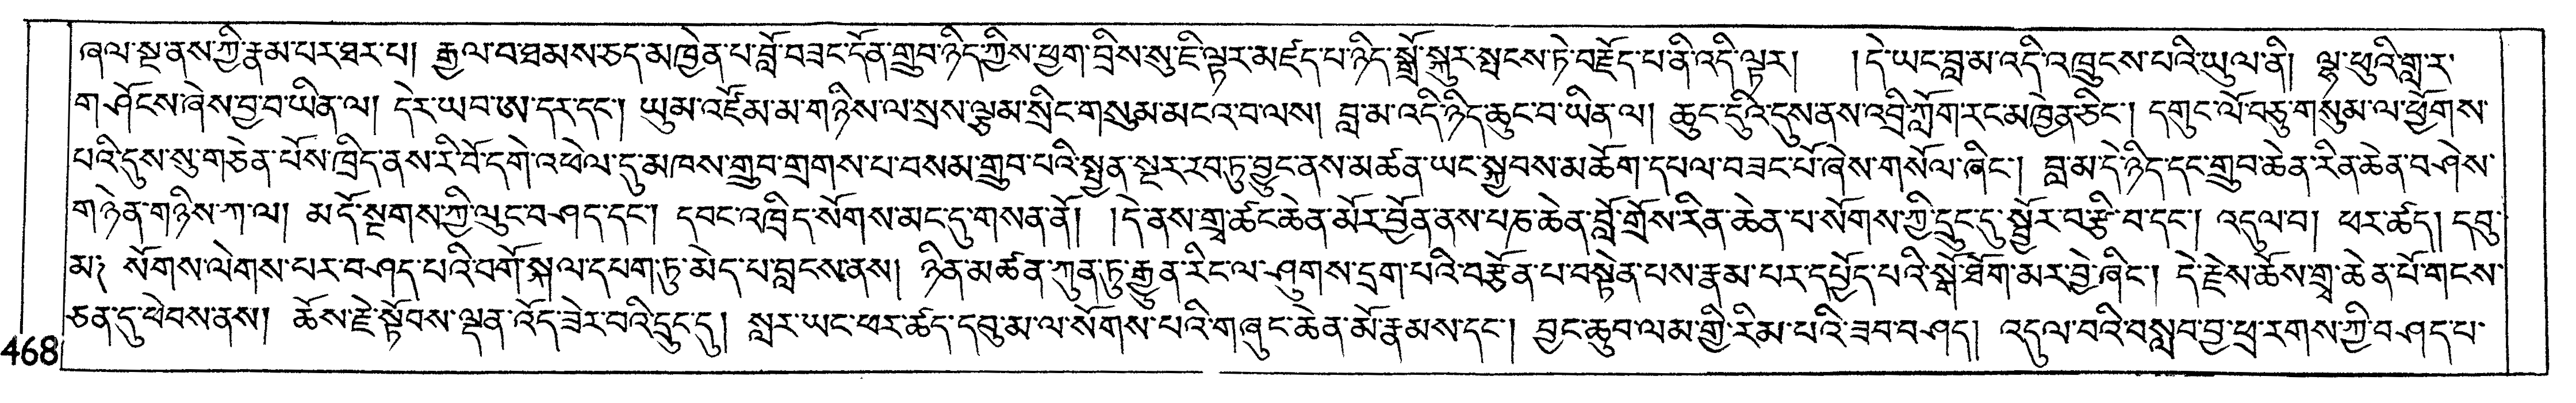ཞལ་སྔ་ནས་ཀྱི་རྣམ་པར་ཐར་པ། རྒྱལ་བ་ཐམས་ཅད་མཁྱེན་པ་བློ་བཟང་དོན་གྲུབ་ཉིད་ཀྱིས་ཕྱག་བྲིས་སུ་ཇི་ལྟར་མཛད་པ་ཉིད་སྒྲོ་སྐུར་སྤངས་ཏེ་བརྗོད་པ་ནི་འདི་ལྟར། །དེ་ཡང་བླ་མ་འདི་འཁྲུངས་པའི་ཡུལ་ནི། ལྷ་ཕུའི་གླ་ར་
གཤོངས་ཞེས་བྱ་བ་ཡིན་ལ། དེར་ཡབ་ཨ་དར་དང་། ཡུམ་འཛོམ་མ་གཉིས་ལ་སྲས་ལྕམ་སྲིང་གསུམ་མངའ་བ་ལས། བླ་མ་འདི་ཉིད་ཆུང་བ་ཡིན་ལ། ཆུང་ངུའི་དུས་ནས་འབྲི་ཀློག་རང་མཁྱེན་ཅིང་། དགུང་ལོ་བཅུ་གསུམ་ལ་ཕྱོགས་
པའི་དུས་སུ་གཅེན་པོས་ཁྲིད་ནས་རི་བོ་དགེ་འཕེལ་དུ་མཁས་གྲུབ་གྲགས་པ་བསམ་གྲུབ་པའི་སྤྱན་སྔར་རབ་ཏུ་བྱུང་ནས་མཚན་ཡང་སྐྱབས་མཆོག་དཔལ་བཟང་པོ་ཞེས་གསོལ་ཞིང་། བླ་མ་དེ་ཉིད་དང་གྲུབ་ཆེན་རིན་ཆེན་བཤེས་
གཉེན་གཉིས་ཀ་ལ། མདོ་སྔགས་ཀྱི་ལུང་བཤད་དང་། དབང་འཁྲིད་སོགས་མང་དུ་གསན་ནོ། །དེ་ནས་གྲྭ་ཚང་ཆེན་མོར་བྱོན་ནས་པཎ་ཆེན་བློ་གྲོས་རིན་ཆེན་པ་སོགས་ཀྱི་དྲུང་དུ་སྦྱོར་བ་རྩི་བ་དང་། འདུལ་བ། ཕར་ཚད། དབུ་
མ། སོགས་ལེགས་པར་བཤད་པའི་བགོ་སྐལ་དཔག་ཏུ་མེད་པ་བླངས་ནས། ཉིན་མཚན་ཀུན་ཏུ་རྒྱུན་རིང་ལ་ཤུགས་དྲག་པའི་བརྩོན་པ་བསྟེན་པས་རྣམ་པར་དཔྱོད་པའི་སྒོ་ཐོག་མར་བྱེ་ཞིང་། དེ་རྗེས་ཆོས་གྲྭ་ཆེན་པོ་གངས་
ཅན་དུ་ཕེབས་ནས། ཆོས་རྗེ་སྟོབས་ལྡན་འོད་ཟེར་བའི་དྲུང་དུ། སླར་ཡང་ཕར་ཚད་དབུ་མ་ལ་སོགས་པའི་གཞུང་ཆེན་མོ་རྣམས་དང་། བྱང་ཆུབ་ལམ་གྱི་རིམ་པའི་ཟབ་བཤད། འདུལ་བའི་བསླབ་བྱ་ཕྲ་རགས་ཀྱི་བཤད་པ་